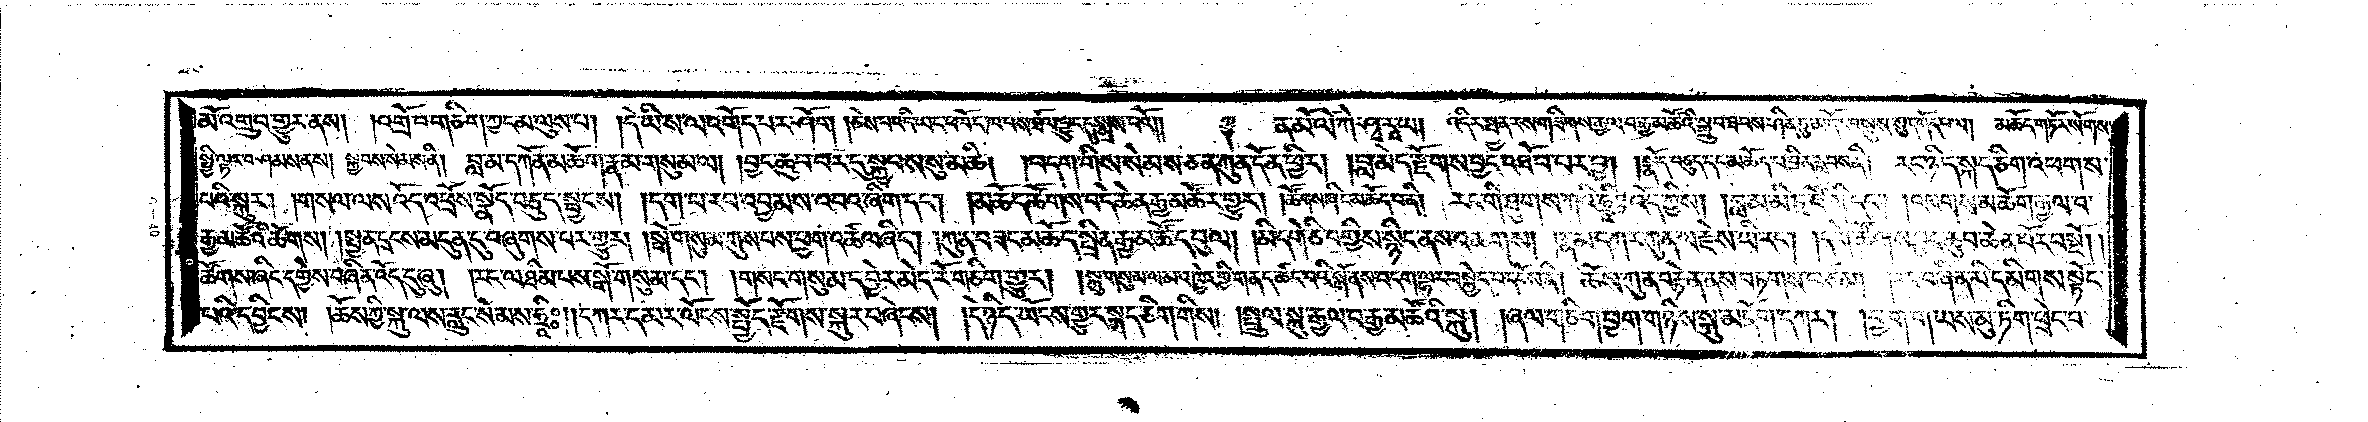མོ་འགྲུབ་གྱུར་ནས། །འགྲོ་བ་གཅིག་ཀྱང་མ་ལུས་པ། །དེ་ཡིས་ལ་འགོད་པར་ཤོག །ཅེས་པ་འདི་ཡང་ཕ་བོང་ཁ་བས་ཐོལ་བྱུང་དུ་སྨྲས་པའོ།། ༈ ན་མོ་ལེ་ཀེ་ཤྭ་རྭ་ཡ། འདིར་སྤྱན་རས་གཟིགས་རྒྱལ་བརྒྱ་མཚོའི་སྒྲུབ་ཐབས་ཤིན་ཏུ་མདོར་བསྡུས་སུ་དགོད་པ་ལ། མཆོད་གཏོར་སོགས་
སྤྱི་ལྟར་བཤམས་ནས། སྐྱབས་སེམས་ནི། བླ་མ་དཀོན་མཆོག་རྣམ་གསུམ་ལ། །བྱང་ཆུབ་བར་དུ་སྐྱབས་སུ་མཆི། །བདག་གིས་སེམས་ཅན་ཀུན་དོན་ཕྱིར། །བླ་མེད་རྫོགས་བྱང་འཐོབ་པར་བྱ། །སྣོད་བཅུད་དང་མཆོད་པ་བྱིན་རླབས་ནི། རང་ཉིད་སྐད་ཅིག་འཕགས་
པའི་སྐུར། །གསལ་ལས་འོད་འཕྲོས་སྣོད་བཅུད་སྦྱངས། །དག་པ་རབ་འབྱམས་འབའ་ཞིག་དང་། མཆོད་ཚོགས་བདེ་ཆེན་རྒྱ་མཚོར་གྱུར། །ཚོགས་ཞིང་མཆོད་པ་ནི། རང་གི་ཐུགས་ཀའི་ཧྲཱིཿའོད་ཀྱིས། །བླ་མ་མི་ཏྲ་ཛོ་ཀི་དང་། །འཕགས་མཆོག་རྒྱལ་བ་
རྒྱ་མཚོའི་ཚོགས། །སྤྱན་དྲངས་མདུན་དུ་བཞུགས་པར་གྱུར། །སྒོ་གསུམ་གུས་པས་ཕྱག་འཚལ་ཞིང་། །ཀུན་བཟང་མཆོད་སྤྲིན་རྒྱ་མཚོ་དབུལ། །མི་དགེ་ཅི་བགྱིས་སྙིང་ནས་འཆགས། །རྣམ་དཀར་ཀུན་ལ་རྗེས་ཡི་རང་། །དགེ་ཚོགས་བྱང་ཆུབ་ཆེན་པོར་བསྔོ། །
ཚོགས་ཞིང་དགྱེས་བཞིན་འོད་དུ་ཞུ། །རང་ལ་ཐིམ་པས་སྒོ་གསུམ་དང་། །གསང་གསུམ་དབྱེར་མེད་རོ་གཅིག་གྱུར། །སྐུ་གསུམ་ལམ་འཁྱེར་གྱི་གནད་ཚང་བའི་སྒོ་ནས་བདག་ལྷར་བསྐྱེད་འདོངས་ནི། ཆོས་ཀུན་བརྟེན་ནས་བཏགས་པ་ཙམ། །རང་བཞིན་མི་དམིགས་སྟོང་
པའི་དབྱིངས། །ཆོས་ཀྱི་སྐུ་ལས་རླུང་སེམས་ཧྲཱིཿ། །དཀར་དམར་ལོངས་སྤྱོད་རྫོགས་སྐུར་བཞེངས། །དེ་ཉིད་ཡོངས་གྱུར་སྐད་ཅིག་གིས། །སྤྲུལ་སྐུ་རྒྱལ་བ་རྒྱ་མཚོའི་སྐུ། །ཞལ་གཅིག་ཕྱག་གཉིས་སྐུ་མདོག་དཀར། །ཕྱག་གཡས་མུ་ཏིག་ཕྲེང་བ་